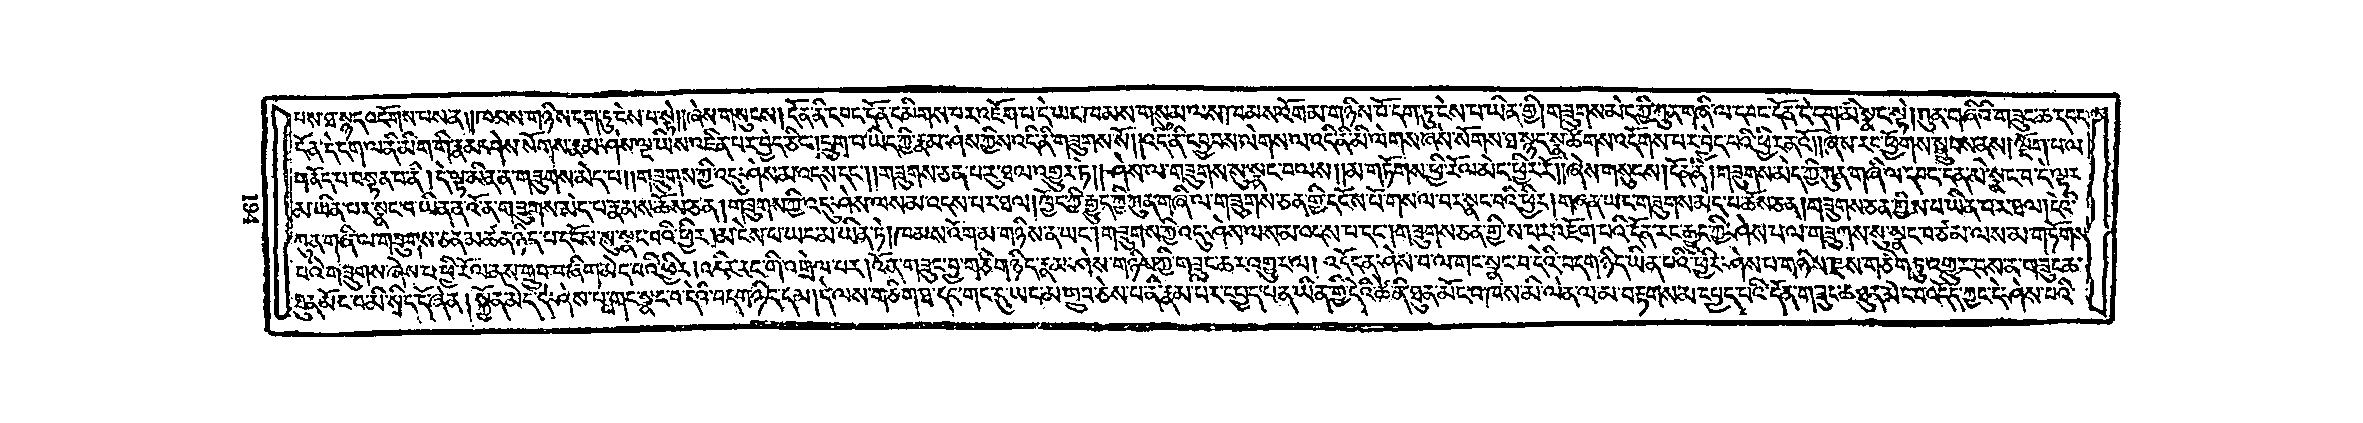པས་ཐ་སྙད་འདོགས་པས་ན། ཁམས་གཉིས་དག་ཏུ་ངེས་པ་སྟེ། །ཞེས་གསུངས། དོན་ནི་དབང་དོན་དམིགས་པར་འཇོག་པ་དེ་ཡང་ཁམས་གསུམ་ལས་ཁམས་འོག་མ་གཉིས་པོ་དག་ཏུ་ངེས་པ་ཡིན་གྱི། གཟུགས་མེད་ཀྱི་ཀུན་གཞི་ལ་དབང་དོན་དེ་དག་མི་སྣང་སྟེ། ཀུན་གཞིའི་གཟུང་ཆ་དབང་
དོན་དེ་དག་ལ་ནི་མིག་གི་རྣམ་ཤེས་སོགས་རྣམ་ཤེས་ལྔ་ཡིས་འཛིན་པར་བྱེད་ཅིང་། དྲུག་པ་ཡིད་ཀྱི་རྣམ་ཤེས་ཀྱིས་འདི་ནི་གཟུགས་སོ། །འདི་ནི་དབྱབས་ལེགས་ལ་འདི་ནི་མི་ལེགས་ཞེས་སོགས་ཐ་སྙད་སྣ་ཚོགས་འདོགས་པར་བྱེད་པའི་ཕྱིར་ནའོ། །ཞེས་རང་ཕྱོགས་སྒྲུབས་ནས། ལྡོག་པ་ལ་
གནོད་པ་བསྟན་པ་ནི། དེ་ལྟ་མིན་ན་གཟུགས་མེད་པ། །གཟུགས་ཀྱི་འདུ་ཤེས་མ་འདས་དང་།གཟུགས་ཅན་པ་རུ་ཐལ་འགྱུར་ཏེ།ཤེས་ལ་གཟུགས་སུ་སྣང་བ་ལས།མ་གཏོགས་ཕྱི་རོལ་མེད་ཕྱིར་རོ། །ཞེས་གསུངས། དོན་ནི། གཟུགས་མེད་ཀྱི་ཀུན་གཞི་ལ་དབང་དོན་མི་སྣང་བ་དེ་ལྟར་
མ་ཡིན་པར་སྣང་བ་ཡིན་ན་འོ་ན་གཟུགས་མེད་པ་རྣམས་ཆོས་ཅན། གཟུགས་ཀྱི་འདུ་ཤེས་ལས་མ་འདས་པར་ཐལ། ཁྱོད་ཀྱི་རྒྱུད་ཀྱི་ཀུན་གཞི་ལ་གཟུགས་ཅན་གྱི་དངོས་པོ་གསལ་བར་སྣང་བའི་ཕྱིར། གཞན་ཡང་གཟུགས་མེད་པ་ཆོས་ཅན། གཟུགས་ཅན་གྱིས་པ་ཡིན་པར་ཐལ། དེའི་
ཀུན་གཞི་ལ་གཟུགས་ཅན་མཚན་ཉིད་པ་དངོས་སུ་སྣང་བའི་ཕྱིར། མ་ངེས་པ་ཡང་མ་ཡིན་ཏེ། ཁམས་འོག་མ་གཉིས་ན་ཡང་། གཟུགས་ཀྱི་འདུ་ཤེས་ལས་མ་འདས་པ་དང་། གཟུགས་ཅན་གྱི་ས་པར་འཇོག་པའི་དོན་རང་རྒྱུད་ཀྱི་ཤེས་པ་ལ་གཟུགས་སུ་སྣང་བ་ཙམ་ལས་མ་གཏོགས་
པའི་གཟུགས་ཞེས་པ་ཕྱི་རོལ་ནས་གྲུབ་པ་ཞིག་མེད་པའི་ཕྱིར། འདིར་རང་གི་འགྲེལ་པར། འོ་ན་གཟུང་བྱ་གཅིག་ཉིད་རྣམ་ཤེས་གཉིས་ཀྱི་གཟུང་ཆར་འགྱུར་ལ། འདོད་ན་ཤེས་པ་ལ་གང་སྣང་བ་དེའི་བདག་ཉིད་ཡིན་པའི་ཕྱིར་ཤེས་པ་གཉིས་རྫས་གཅིག་ཏུ་འགྱུར་བས་ན་གཟུང་ཆ་
ཐུན་མོང་བ་མི་སྲིད་དོ་ཞེ་ན། སྐྱོན་མེད་དེ་ཤེས་པ་ལ་གང་སྣང་བ་དེའི་བདག་ཉིད་དམ། དེ་ལས་གཅིག་ཐ་དང་གང་དུ་ཡང་མ་གྲུབ་ཅེས་པ་ནི་རྣམ་པར་དཔྱད་པ་ན་ཡིན་གྱི་དེའི་ཚེ་ནི་ཐུན་མོང་བ་ཁས་མི་ལེན་ལ་མ་བརྟགས་མ་དཔྱད་པའི་དོན་གཟུང་ཆ་ཐུན་མོང་བ་འདོད་ཀྱང་དེ་ཤེས་པའི་